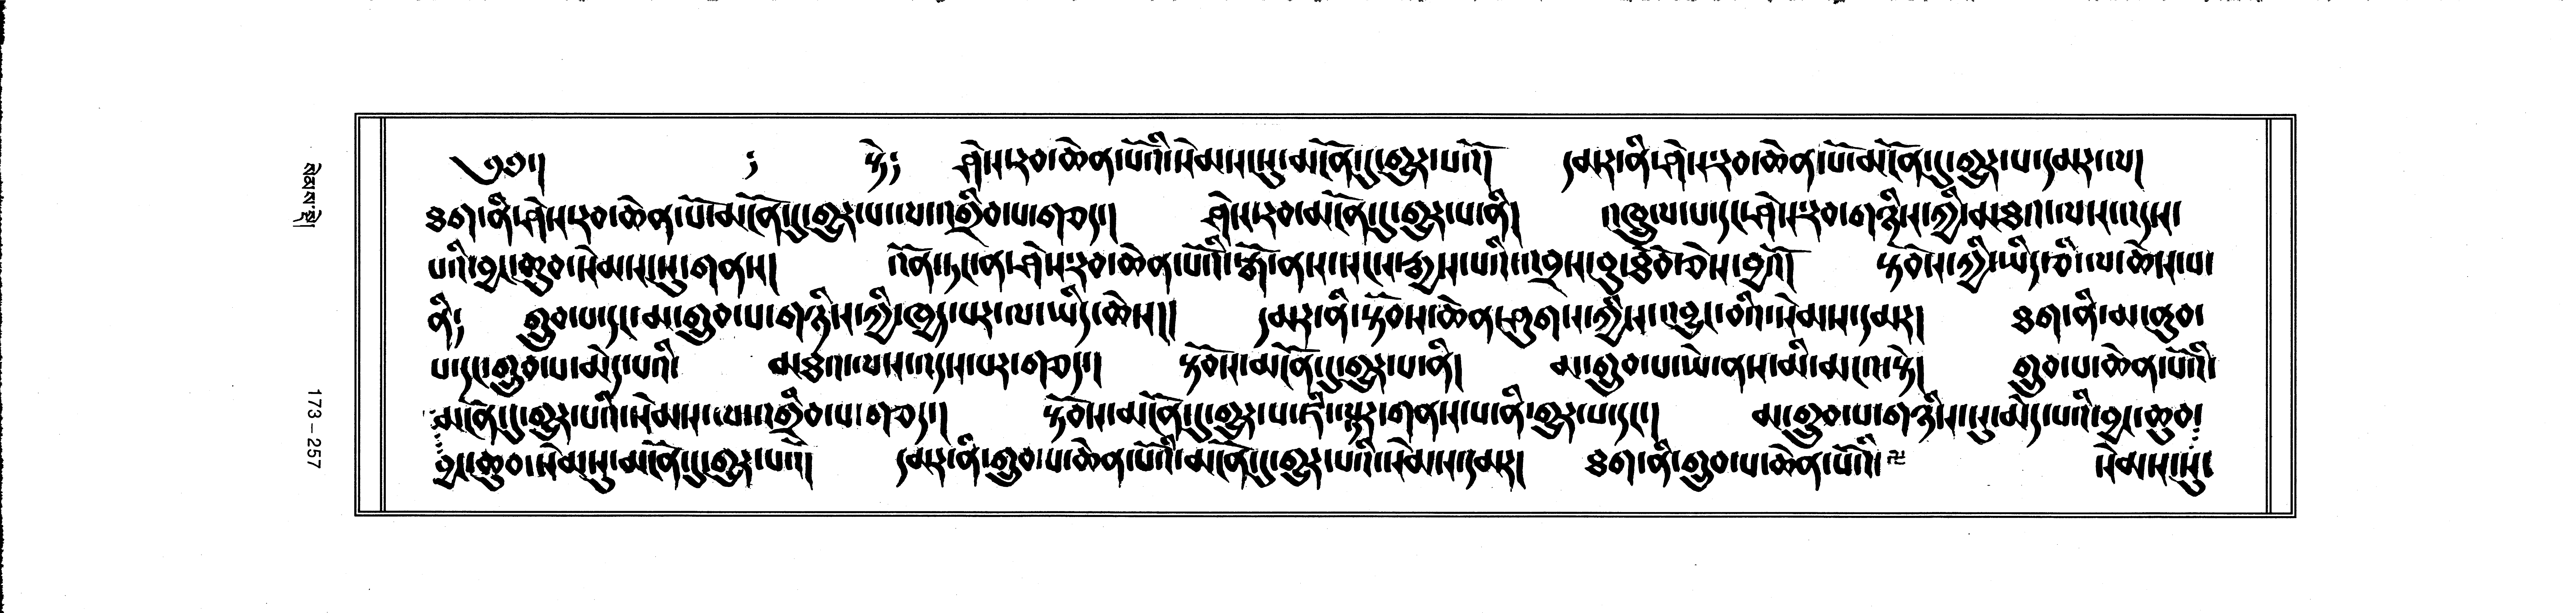སྟེ། ཤེས་རབ་ཆེན་པོ་སེམས་སུ་མངོན་དུ་གྱུར་པའོ། །དམར་ནི་ཤེས་རབ་ཆེན་པོ་མངོན་དུ་གྱུར་པ་དམར་ལ། 
ཐག་ནི་ཤེས་རབ་ཆེན་པོ་མངོན་དུ་གྱུར་པ་ལ་འགྲིབ་པ་གཅད། ཤེས་རབ་མངོན་དུ་གྱུར་པ་ནི། འཁྲུལ་པ་དང་ཤེས་རབ་གཉིས་ཀྱི་མཐའ་ལས་འདས་
པའི་བྱང་ཆུབ་སེམས་སུ་གནས འོན་ཏང་ན་ཤེས་རབ་ཆེན་པོའི་སྒོ་ནས་སངས་རྒྱས་པའི་འབྲས་བུ་ཐོབ་ཅེས་བྱའོ། །སྟོབས་ཀྱི་ཡིད་ཅི་ལ་ཆེས་པ་
ནི། གྲུབ་པ་དང་མ་གྲུབ་པ་གཉིས་ཀྱི་ཁྱད་པར་ལ་ཡིད་ཆེས། དམར་ནི་སྟོབས་ཆེན་ཤུགས་ཀྱིས་འབྱུང་བའི་སེམས་དམར། ཐག་ནི་མ་ནུབ་
པ་དང་གྲུབ་པ་མེད་པའི་མཐའ་ལས་འདས་པར་གཅད། སྟོབས་མངོན་དུ་གྱུར་པ་ནི། མ་གྲུབ་པ་ཡེ་ནས་མི་མངའ་སྟེ། གྲུབ་པ་ཆེན་པོའི་
བྱང་ཆུབ་སེམས་མངོན་དུ་གྱུར་པའོ། །དམར་ནི་གྲུབ་པ་ཆེན་པོའི་མངོན་དུ་གྱུར་པའི་སེམས་དམར། ཐག་ནི་གྲུབ་པ་ཆེན་པོའི་མངོན་དུ་
གྱུར་པའི་སེམས་ལ་འགྲིབ་པ་གཅད། སྟོབས་མངོན་དུ་གྱུར་པ་ནི་ཇི་ལྟར་གནས་པ་ནི་གྱུར་པ་དང་། མ་གྲུབ་པ་གཉིས་སུ་མེད་པའི་བྱང་ཆུབ་སེམས་སུ་